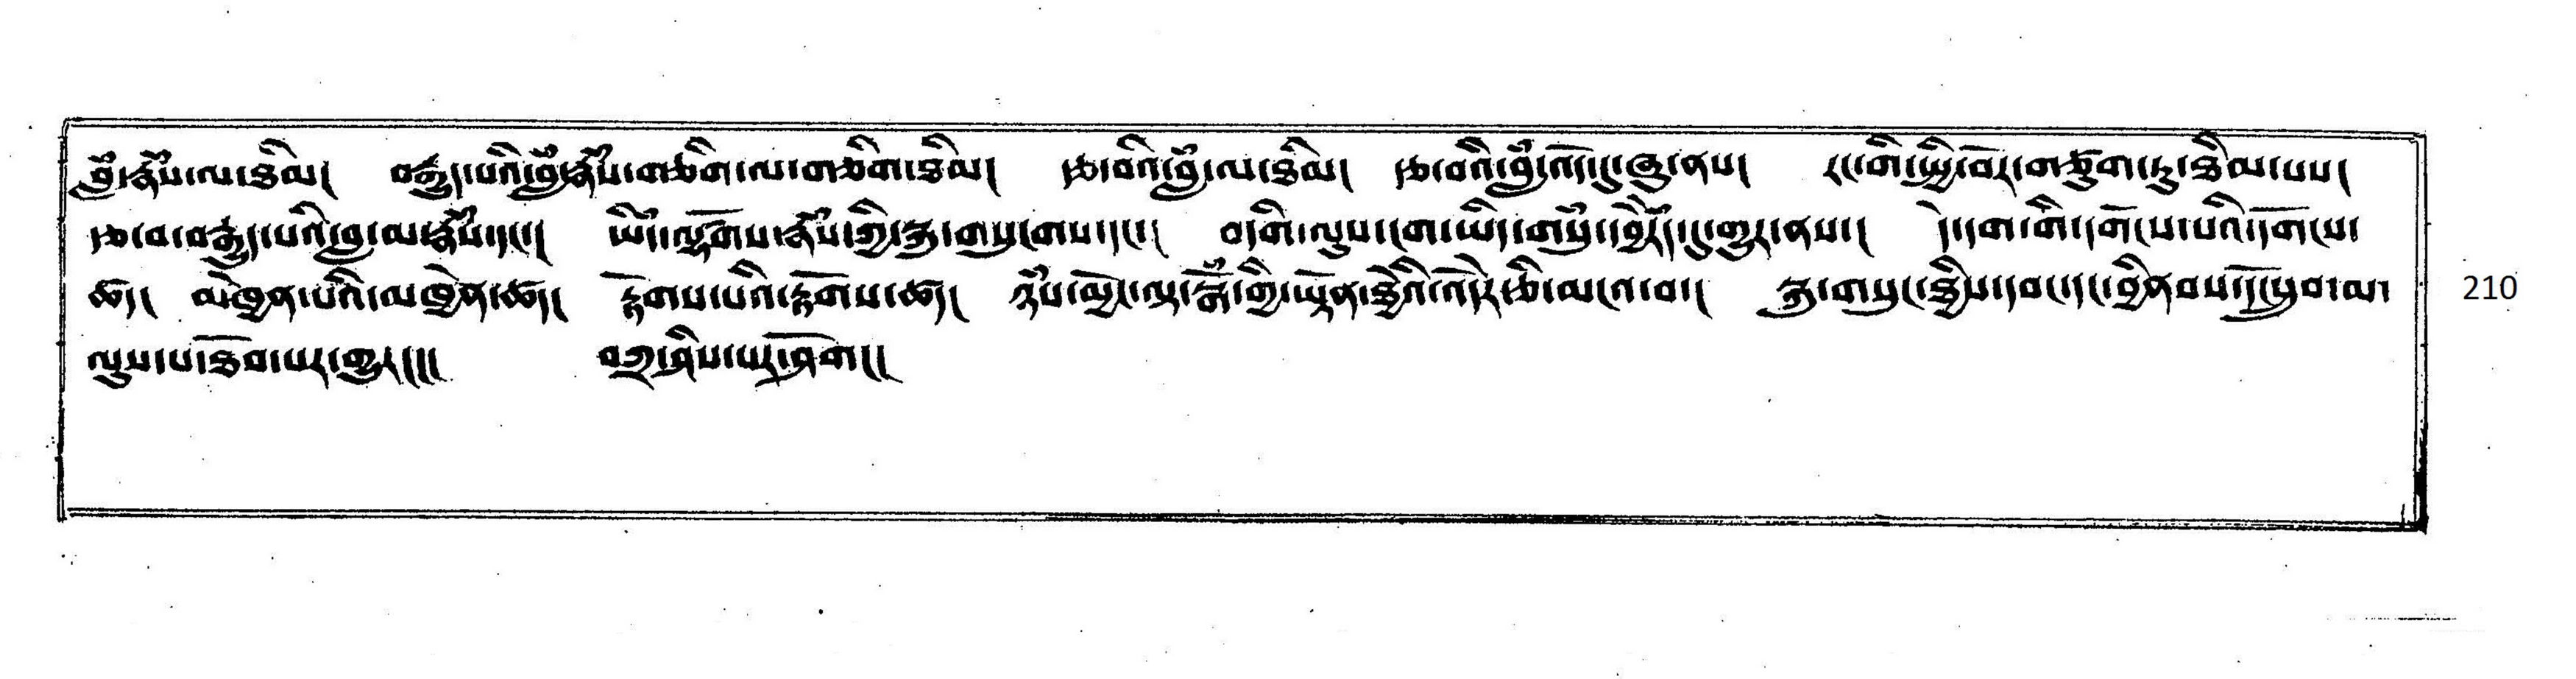བླ་མ་རྣམས་ལ་ཐིམ། བརྒྱུད་པའི་བླ་མ་རྣམས་གཅིག་ལ་གཅིག་ཐིམ། རྩ་བའི་བླ་མ་ལ་ཐིམ། རྩ་བའི་བླ་མ་འོད་དུ་ཞུ་ནས། རང་གི་སྤྱི་བོར་གཙུག་ཏུ་ཐིམ་པས། 
རྩ་བ་བརྒྱུད་པའི་བླ་མ་རྣམས་དང་། ཡི་དམ་ལྷ་ཚོགས་རྣམས་ཀྱི་སྐུ་གསུང་ཐུགས་དང་། བདག་གི་ལུས་ངག་ཡིད་གསུམ་དབྱེར་མེད་དུ་གྱུར་ནས། དེ་དག་གི་དགོངས་པའི་དགོངས་
ཚད། མཁྱེན་པའི་མཁྱེན་ཚད། རྟོགས་པའི་རྟོགས་ཚད། ཉམས་མྱོང་ལྟ་སྒོམ་གྱི་ཡོན་ཏན་ཐུགས་རྗེའི་འོད་ཟེར་ཅི་མངའ་བ། སྐུ་གསུང་ཐུགས་ཀྱི་དབང་དང་བྱིན་རླབས་དངོས་གྲུབ་མ་
ལུས་པ་ཐོབ་པར་གྱུར།། བཀྲ་ཤིས་པར་ཤོག །།